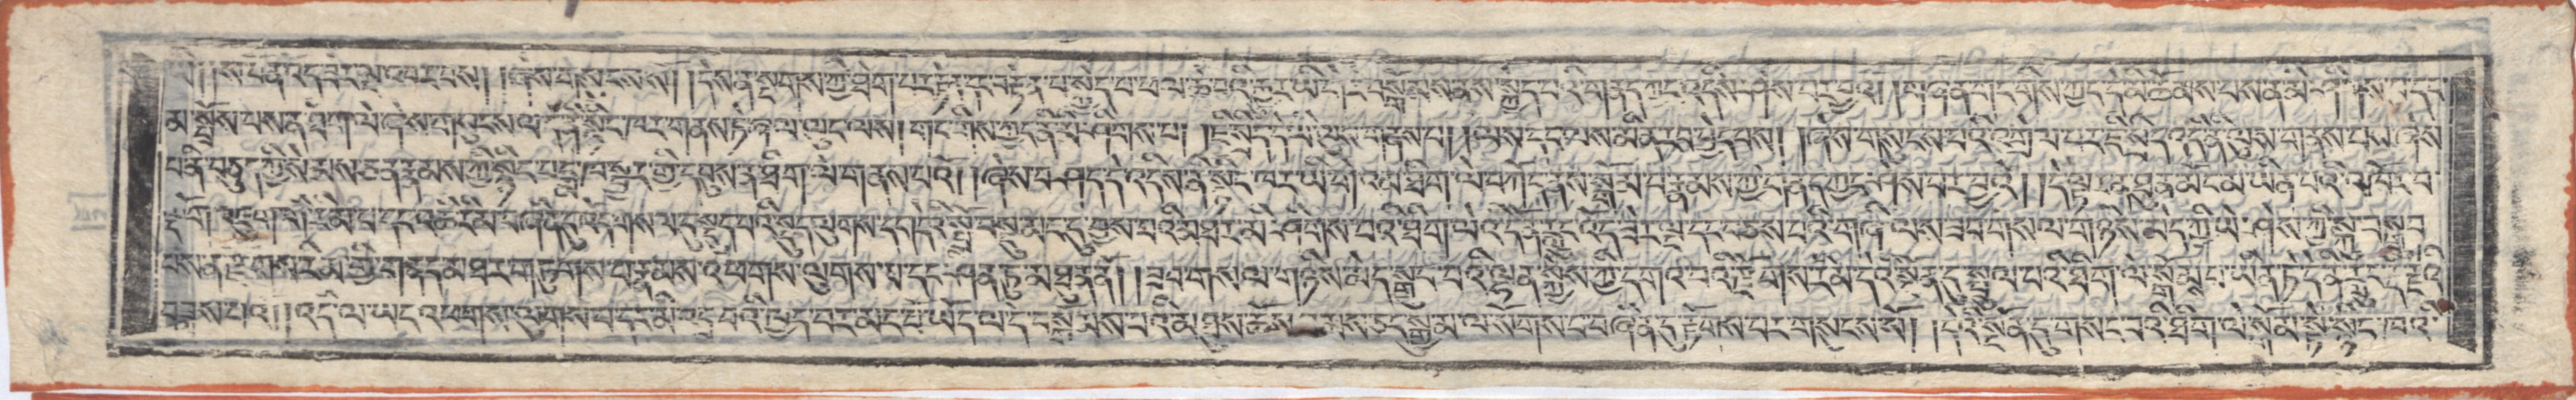ཡི༑ ༑ས་བོན་འོད་ཟེར་ལྔ་འབར་བས། །ཞེས་གསུངས་སོ། །དེས་ན་སྔགས་ཀྱི་ཐེག་པར་རྟེན་དང་བརྟེན་པ་སྐྱེད་པ་ཕལ་ཆེ་བའི་རྒྱུར་ཡི་གེ་རེ་བསྒོམས་ནས་སྐྱེད་པའི་གནད་ཀྱང་འདིས་ཤེས་པར་བྱའོ། །གཞན་གང་གིས་ཀྱང་དེ་མི་ཆོམས་པས་ན་མི་ཤིགས་པ་དང་
མ་སྤྲོས་པས་ན་ཐིག་ལེ་ཞེས་གསུངས་ལ་དེ་ནི་སྙིང་ཁར་གནས་ཏེ་ཞལ་ལུང་ལས། གང་གིས་ཀྱང་ནི་མི་ཤིགས་པ། །ཇི་སྲིད་དེ་ཡི་ལུས་གནས་པ། །ལས་དང་ལས་མིན་རབ་བྱེད་པས། །ཞེས་གསུངས་པའི་འགྲེལ་པར་ཇི་སྲིད་འདི་ནི་ལུས་གནས་པས་ཞེས་
པ་ནི་བཅུད་ཀྱི་སེམས་ཅན་རྣམས་ཀྱི་སྙིང་པདམ་ཁ་སྦྱར་གྱི་དབུས་ན་ཐིག་ལེ་གནས་པའོ། །ཞེས་བཤད་དེ་འདིས་ནི་སྙིང་ཁར་ཡི་གེའམ་ཐིག་ལེ་བཀོད་ནས་སྒོམ་པ་རྣམས་ཀྱི་གནད་ཀྱང་ཤེས་པར་བྱའོ། །དེ་ལྟར་ན་ཐུན་མོང་མ་ཡིན་པའི་འཁོར་བ་
ལྡོག་འཇུག་གི་རིམ་པ་དང་འཆི་རིམ་བཞིན་དུ་འོད་གསལ་དུ་སྡུད་པའི་སྡུད་ལུགས་དང་། དེའི་སྤྲོ་བསྡུ་མང་དུ་བྱས་པའི་མཐར་མི་ཤིགས་པའི་ཐིག་ལེའི་དོན་རླུང་འོད་ཟེར་ལྔ་དང་བཅས་པའི་གཞི་ལས་ཟབ་གསལ་གཉིས་མེད་ཀྱི་ཡེ་ཤེས་ཀྱི་སྐུ་བསྒྲུབ་
པས་ན་རྫོགས་རིམ་གྱི་གནད་མཐར་གཏུགས་པ་རྣམས་འཕགས་ལུགས་པ་དང་ཤིན་ཏུ་མཐུན་ནོ། །ཟབ་གསལ་གཉིས་མེད་སྒྲུབ་པའི་ལྷན་སྐྱེས་ཀྱི་དགའ་བའི་རྫོགས་རིམ་དེའི་སྔོན་དུ་སྤྲུལ་པའི་ཐིག་ལེ་སྒོམས་པ་ཡིན་ཏེ་དེ་ནི་རླུང་རྡོ་རྗེའི་
བཟླས་པའོ། །འདི་ལ་ཡང་འཕགས་ལུགས་པ་དང་མི་འདྲ་བའི་ཁྱད་པར་མང་པོ་ཡོད་ལ་དེ་བསྒོམས་པའི་མཐུས་ཆོས་ཐམས་ཅད་སྒྱུ་མ་ལ་སོགས་པ་བཞིན་དུ་རྟོགས་པར་གསུངས་སོ། །དེའི་སྔོན་དུ་གསང་བའི་ཐིག་ལེ་སྒོམ་སྟེ་སྙིང་ཁའི་